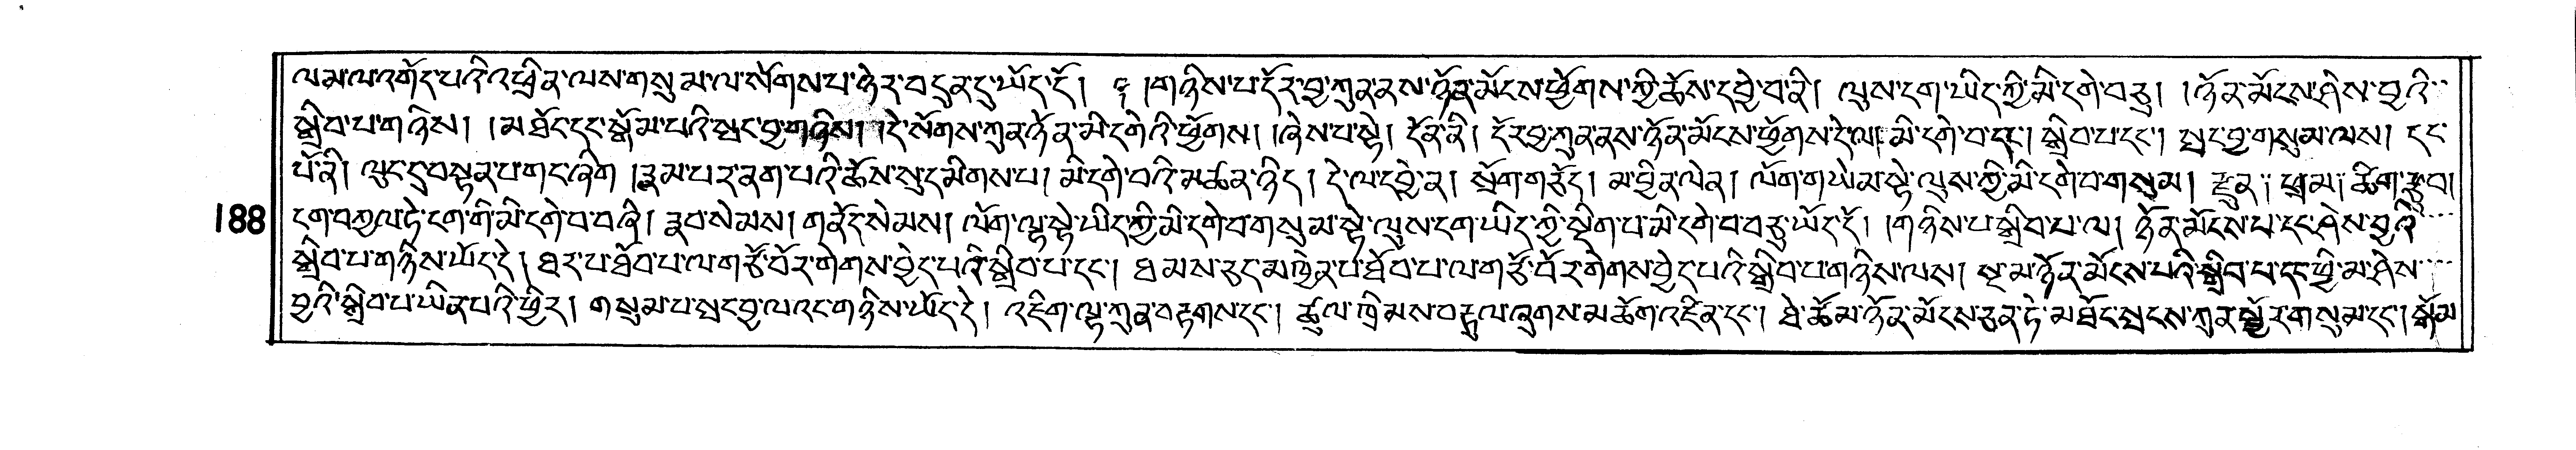ལམ་ལ་འགོད་པའི་འཕྲིན་ལས་གསུམ་ལ་སོགས་པ་ཉེར་བདུན་དུ་ཡོད་དོ། ༈།གཉིས་པ་དོར་བྱ་ཀུན་ནས་ཉོན་མོངས་ཕྱོགས་ཀྱི་ཆོས་དབྱེ་བ་ནི། ལུས་ངག་ཡིད་ཀྱི་མི་དགེ་བཅུ། །ཉོན་མོངས་ཤེས་བྱའི་
སྒྲིབ་པ་གཉིས། །མཐོང་དང་སྒོམ་པའི་སྤང་བྱ་གཉིས། །དེ་སོགས་ཀུན་ཉོན་མི་དགེའི་ཕྱོགས། །ཞེས་པ་སྟེ། དོན་ནི། དོར་བྱ་ཀུན་ནས་ཉོན་མོངས་ཕྱོགས་དེ་ལ། མི་དགེ་བ་དང་། སྒྲིབ་པ་དང་། སྤང་བྱ་གསུམ་ལས། དང་
པོ་ནི། ལུང་དུ་བསྟན་པ་གང་ཞིག །རྣམ་པར་ནག་པའི་ཆོས་སུ་དམིགས་པ། མི་དགེ་བའི་མཚན་ཉིད། དེ་ལ་དབྱེ་ན། སྲོག་གཅོད། མ་བྱིན་ལེན། ལོག་གཡེམ་སྟེ་ལུས་ཀྱི་མི་དགེ་བ་གསུམ། རྫུན༑ ཕྲ་མ༑ ཚིག་རྩུབ།
ངག་བཀྱལ་ཏེ་ངག་གི་མི་དགེ་བ་བཞི། རྣབ་སེམས། གནོད་སེམས། ལོག་ལྟ་སྟེ་ཡིད་ཀྱི་མི་དགེ་བ་གསུམ་སྟེ་ལུས་ངག་ཡིད་ཀྱི་སྡིག་པ་མི་དགེ་བ་བཅུ་ཡོད་དོ། །གཉིས་པ་སྒྲིབ་པ་ལ། ཉོན་མོངས་པ་དང་ཤེས་བྱའི་
སྒྲིབ་པ་གཉིས་ཡོད་དེ། ཐར་པ་ཐོབ་པ་ལ་གཙོ་བོར་གེགས་བྱེད་པའི་སྒྲིབ་པ་དང་། ཐམས་ཅད་མཁྱེན་པ་ཐོབ་པ་ལ་གཙོ་བོར་གེགས་བྱེད་པའི་སྒྲིབ་པ་གཉིས་ལས། སྔ་མ་ཉོན་མོངས་པའི་སྒྲིབ་པ་དང་ཕྱི་མ་ཤེས་
བྱའི་སྒྲིབ་པ་ཡིན་པའི་ཕྱིར། གསུམ་པ་སྤང་བྱ་ལའང་གཉིས་ཡོད་དེ། འཇིག་ལྟ་ཀུན་བརྟགས་དང་། ཚུལ་ཁྲིམས་བརྟུལ་ཞུགས་མཆོག་འཛིན་དང་། ཐེ་ཚོམ་ཉོན་མོངས་ཅན་ཏེ་མཐོང་སྤངས་ཀུན་སྦྱོར་གསུམ་དང་། སྒོམ་